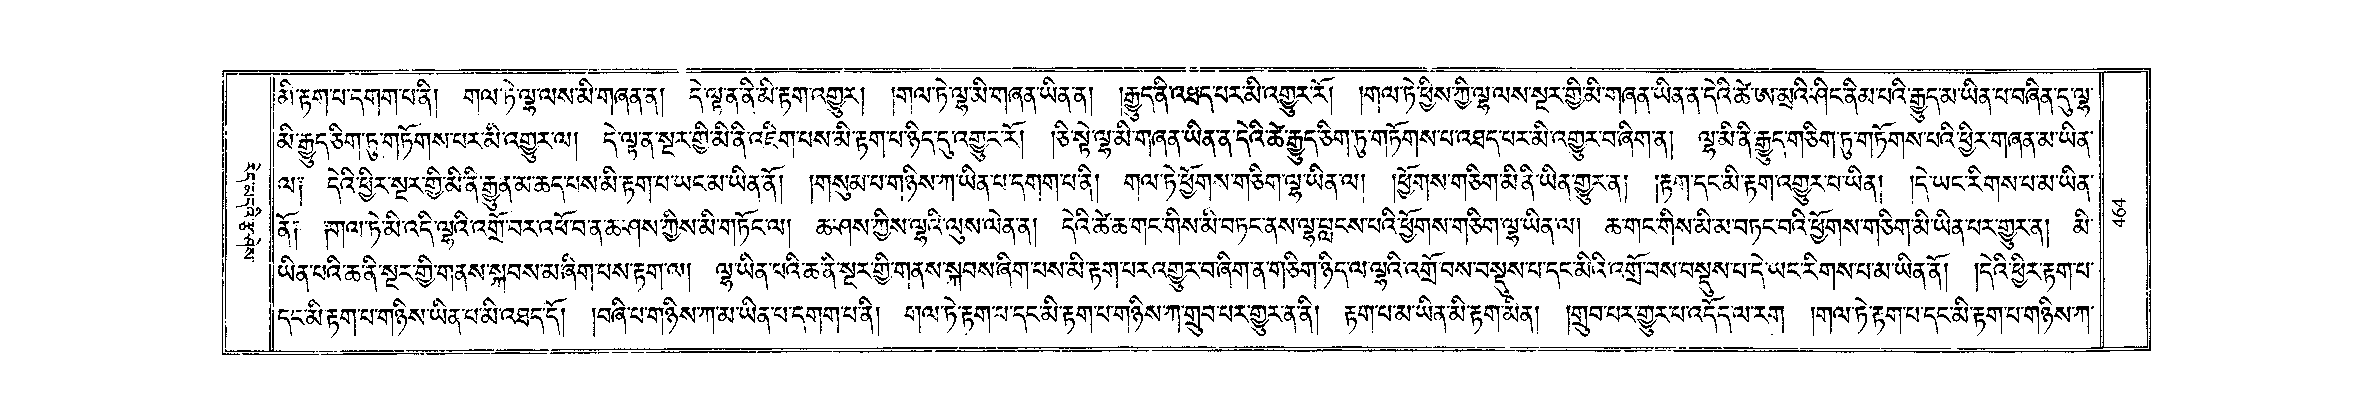མི་རྟག་པ་དགག་པ་ནི། གལ་ཏེ་ལྷ་ལས་མི་གཞན་ན། དེ་ལྟ་ན་ནི་མི་རྟག་འགྱུར། །གལ་ཏེ་ལྷ་མི་གཞན་ཡིན་ན། །རྒྱུད་ནི་འཐད་པར་མི་འགྱུར་རོ། །གལ་ཏེ་ཕྱིས་ཀྱི་ལྷ་ལས་སྔར་གྱི་མི་གཞན་ཡིན་ན་དེའི་ཚེ་ཨ་མྲའི་ཤིང་ནི་མ་པའི་རྒྱུད་མ་ཡིན་པ་བཞིན་དུ་ལྷ་
མི་རྒྱུད་ཅིག་ཏུ་གཏོགས་པར་མི་འགྱུར་ལ། དེ་ལྟ་ན་སྔར་གྱི་མི་ནི་འཇིག་པས་མི་རྟག་པ་ཉིད་དུ་འགྱུར་རོ། །ཅི་སྟེ་ལྷ་མི་གཞན་ཡིན་ན་དེའི་ཚེ་རྒྱུད་ཅིག་ཏུ་གཏོགས་པ་འཐད་པར་མི་འགྱུར་བ་ཞིག་ན། ལྷ་མི་ནི་རྒྱུད་གཅིག་ཏུ་གཏོགས་པའི་ཕྱིར་གཞན་མ་ཡིན་
ལ༑ དེའི་ཕྱིར་སྔར་གྱི་མི་ནི་རྒྱུན་མ་ཆད་པས་མི་རྟག་པ་ཡང་མ་ཡིན་ནོ། །གསུམ་པ་གཉིས་ཀ་ཡིན་པ་དགག་པ་ནི། གལ་ཏེ་ཕྱོགས་གཅིག་ལྷ་ཡིན་ལ། །ཕྱོགས་གཅིག་མི་ནི་ཡིན་གྱུར་ན། །རྟག་དང་མི་རྟག་འགྱུར་བ་ཡིན། །དེ་ཡང་རིགས་པ་མ་ཡིན་
ནོ༑ ༑གལ་ཏེ་མི་འདི་ལྷའི་འགྲོ་བར་འཕོ་བ་ན་ཆ་ཤས་ཀྱིས་མི་གཏོང་ལ། ཆ་ཤས་ཀྱིས་ལྷའི་ལུས་ལེན་ན། དེའི་ཚེ་ཆ་གང་གིས་མི་བཏང་ནས་ལྷ་བླངས་པའི་ཕྱོགས་གཅིག་ལྷ་ཡིན་ལ། ཆ་གང་གིས་མི་མ་བཏང་བའི་ཕྱོགས་གཅིག་མི་ཡིན་པར་གྱུར་ན། མི་
ཡིན་པའི་ཆ་ནི་སྔར་གྱི་གནས་སྐབས་མ་ཞིག་པས་རྟག་ལ། ལྷ་ཡིན་པའི་ཆ་ནི་སྔར་གྱི་གནས་སྐབས་ཞིག་པས་མི་རྟག་པར་འགྱུར་བ་ཞིག་ན་གཅིག་ཉིད་ལ་ལྷའི་འགྲོ་བས་བསྡུས་པ་དང་མིའི་འགྲོ་བས་བསྡུས་པ་དེ་ཡང་རིགས་པ་མ་ཡིན་ནོ། །དེའི་ཕྱིར་རྟག་པ་
དང་མི་རྟག་པ་གཉིས་ཡིན་པ་མི་འཐད་དོ། །བཞི་པ་གཉིས་ཀ་མ་ཡིན་པ་དགག་པ་ནི། གལ་ཏེ་རྟག་པ་དང་མི་རྟག་པ་གཉིས་ཀ་གྲུབ་པར་གྱུར་ན་ནི། རྟག་པ་མ་ཡིན་མི་རྟག་མིན། །གྲུབ་པར་གྱུར་པ་འདོད་ལ་རག །གལ་ཏེ་རྟག་པ་དང་མི་རྟག་པ་གཉིས་ཀ་